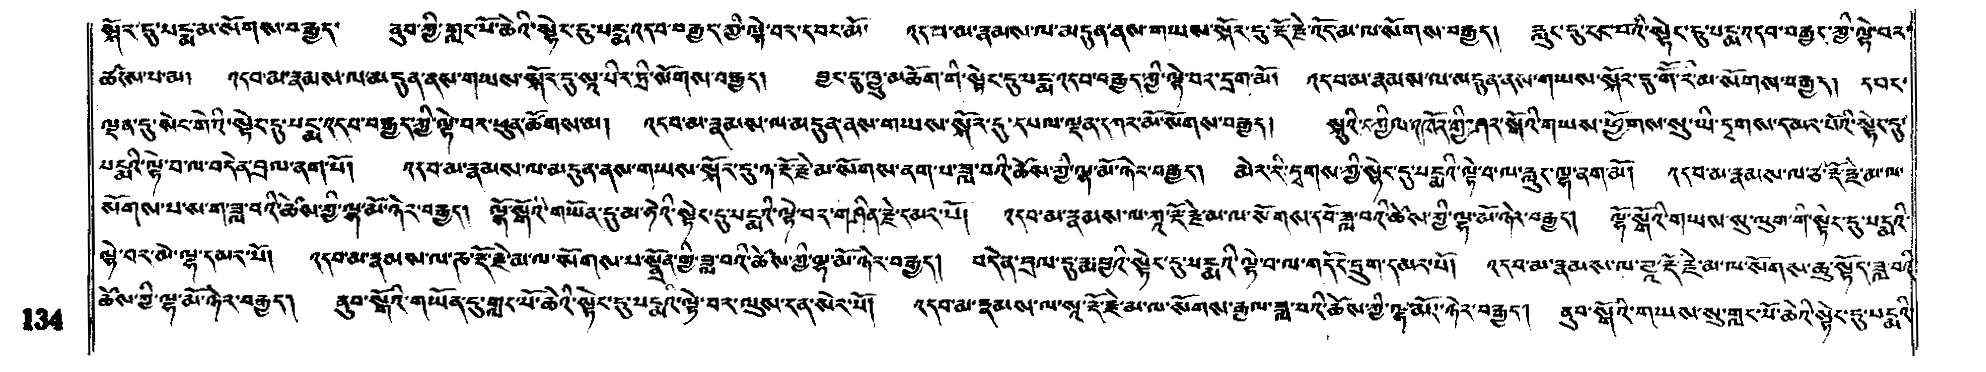སྐོར་དུ་པདམ་མ་སོགས་བརྒྱད། ནུབ་ཀྱི་གླང་པོ་ཆེའི་སྟེང་དུ་པདམ་འདབ་བརྒྱད་ཀྱི་ལྟེ་བར་དབང་མོ་འདབ་མ་རྣམས་ལ་མདུན་ནས་གཡས་སྐོར་དུ་རྡོ་རྗེ་འོང་མ་ལ་སོགས་བརྒྱད། རླུང་དུ་དང་བའི་སྟེང་དུ་པདམ་འདབ་བརྒྱད་ཀྱི་ལྟེ་བར་
ཚངས་པ་མ། འདབ་མ་རྣམས་ལ་མདུན་ནས་གཡས་སྐོར་དུ་སཱ་པིར་ཏྲི་སོགས་བརྒྱད། བྱང་དུ་ཁྱུ་མཆོག་གི་སྟེང་དུ་པདམ་འདབ་བརྒྱད་ཀྱི་ལྟེ་བར་དྲག་མོ། འདབ་མ་རྣམས་ལ་མདུན་ནས་གཡས་སྐོར་དུ་གཽ་རི་མ་སོགས་བརྒྱད། དབང་
ལྡན་དུ་སེང་གེའི་སྟེང་དུ་པདམ་འདབ་བརྒྱད་ཀྱི་ལྟེ་བར་ཕུན་ཚོགས་མ། འདབ་མ་རྣམས་ལ་མདུན་ནས་གཡས་སྐོར་དུ་དཔལ་ལྡན་དཀར་མོ་སོགས་བརྒྱད། སྐུའི་དཀྱིལ་འཁོར་གྱི་ཤར་སྒོའི་གཡས་ཕྱོགས་སུ་ཡི་དྭགས་དམར་པོའི་སྟེང་དུ་
པདམའི་ལྟེ་བ་ལ་བདེན་བྲལ་ནག་པོ། འདབ་མ་རྣམས་ལ་མདུན་ནས་གཡས་སྐོར་དུ་ཉ་རྡོ་རྗེ་མ་སོགས་ནག་པ་ཟླ་བའི་ཚེས་ཀྱི་ལྷ་མོ་ཉེར་བརྒྱད། མེར་རི་དྭགས་ཀྱི་སྟེང་དུ་པདམའི་ལྟེ་བ་ལ་རླུང་ལྷ་ནག་མོ། འདབ་མ་རྣམས་ལ་རྩ་རྡོ་རྗེ་མ་ལ་
སོགས་པ་ས་ག་ཟླ་བའི་ཚེས་ཀྱི་ལྷ་མོ་ཉེར་བརྒྱད། ལྷོ་སྒོའི་གཡོན་དུ་མ་ཧེའི་སྟེང་དུ་པདམའི་ལྟེ་བར་གཤིན་རྗེ་དམར་པོ། འདབ་མ་རྣམས་ལ་ཀཱ་རྡོ་རྗེ་མ་ལ་སོགས་དབོ་ཟླ་བའི་ཚེས་ཀྱི་ལྷ་མོ་ཉེར་བརྒྱད། ལྷོ་སྒོའི་གཡས་སུ་ལུག་གི་སྟེང་དུ་པདམའི་
ལྟེ་བར་མེ་ལྷ་དམར་པོ། འདབ་མ་རྣམས་ལ་ཎ་རྡོ་རྗེ་མ་ལ་སོགས་པ་སྣྲོན་གྱི་ཟླ་བའི་ཚེས་ཀྱི་ལྷ་མོ་ཉེར་བརྒྱད། བདེན་བྲལ་དུ་རྨ་བྱའི་སྟེང་དུ་པདམའི་ལྟེ་བ་ལ་གདོང་དྲུག་དམར་པོ། འདབ་མ་རྣམས་ལ་ཊཱ་རྡོ་རྗེ་མ་ལ་སོགས་ཆུ་སྟོད་ཟླ་བའི་
ཆོས་ཀྱི་ལྷ་མོ་ཉེར་བརྒྱད། ནུབ་སྒོའི་གཡོན་དུ་གླང་པོ་ཆེའི་སྟེང་དུ་པདམའི་ལྟེ་བར་ལུས་ངན་སེར་པོ། འདབ་མ་རྣམས་ལ་སཱ་རྡོ་རྗེ་མ་ལ་སོགས་རྒྱལ་ཟླ་བའི་ཚེས་ཀྱི་ལྷ་མོར་ཉེར་བརྒྱད། ནུབ་སྒོའི་གཡས་སུ་གླང་པོ་ཆེའི་སྟེང་དུ་པདམའི་